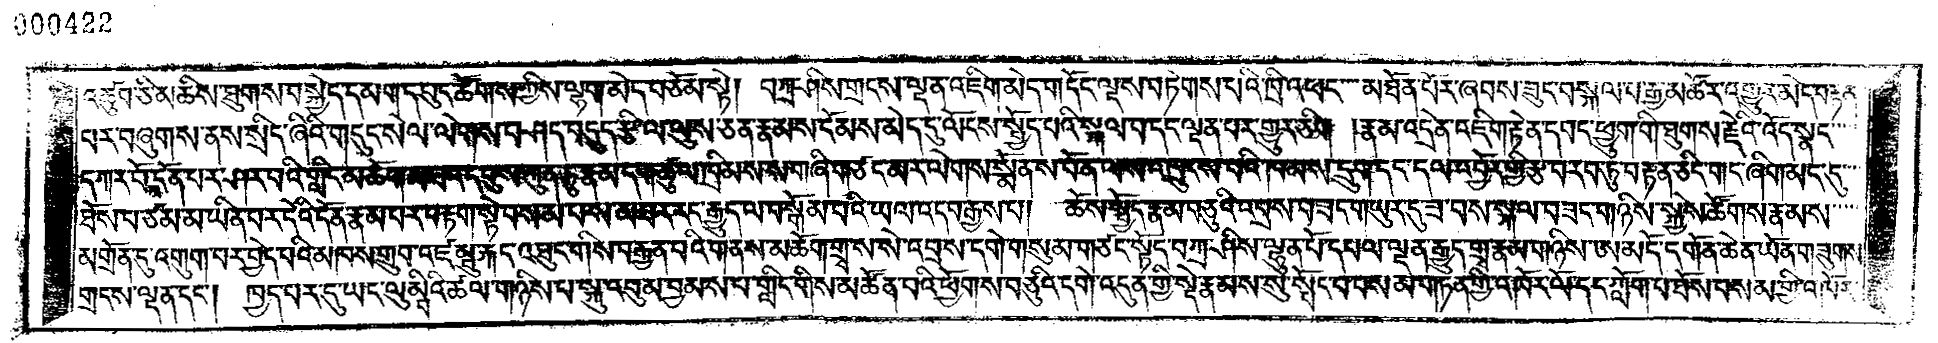འཚུབ་ཅི་མཆིས་ཐུགས་བསྐྱེད་དམག་དཔུང་ཚོགས་ཀྱིས་ལྷག་མེད་བཅོམ་སྟེ། བཀྲ་ཤིས་གྲངས་ལྡན་འཇིག་མེད་གདོང་ལྔས་བཏེགས་པའི་ཁྲི་འཕང་མཐོན་པོར་ཞབས་ཟུང་བསྐལ་པ་རྒྱ་མཚོར་འགྱུར་མེད་བརྟན་
པར་བཞུགས་ནས་སྲིད་ཞིའི་གདུང་སེལ་ལེགས་བཤད་བདུད་རྩིལ་ལུས་ཅན་རྣམས་ངོམས་མེད་དུ་ལོངས་སྤྱོད་པའི་སྐལ་བ་དང་ལྡན་པར་གྱུར་ཅིག །རྣམ་འདྲེན་འཇིག་རྟེན་དབང་ཕྱུག་གི་ཐུགས་རྗེའི་འོད་སྣང་
དཀར་པོ་མངོན་པར་ཤར་བའི་གླིང་མཆོག་མཐའ་དབུས་ཀུན་ཏུ་རྣམ་དག་ཚུལ་ཁྲིམས་ས་གཞི་གཙང་མར་ལེགས་སྨོན་ས་བོན་ལས་འཁྲུངས་པའི་ཁམས་དྲུག་དང་དལ་འབྱོར་གྱི་རྩ་བ་རབ་ཏུ་བརྟན་ཅིང་གང་ཞིག་མང་དུ་
ཐོས་པ་ཙམ་མ་ཡིན་པར་དེའི་དོན་རྣམ་པར་བརྟག་སྟེ་བསམ་པས་མཐར་རང་རྒྱུད་ལ་བསྒོམ་བའི་ཡལ་འདབ་རྒྱས་པ། ཆོས་སྤྱོད་རྣམ་བཅུའི་འབྲས་བཟང་གཡུར་དུ་ཟ་བས་སྐལ་བཟང་གཉིས་སྐྱེས་ཚོགས་རྣམས་
མགྲོན་དུ་འགུག་པར་བྱེད་པའི་མཁས་གྲུབ་འཛམྦུ་རྐང་འཐུང་གིས་བརྒྱན་པའི་གནས་མཆོག་གྲྭ་ས་སེ་འབྲས་དགེ་གསུམ་གཙང་སྟོད་བཀྲ་ཤིས་ལྷུན་པོ་དཔལ་ལྡན་རྒྱུད་གྲྭ་རྣམ་གཉིས་ཨ་མདོ་དགོན་ཆེན་ཡོན་གཟུགས་
གྲངས་ལྡན་དང་། ཁྱད་པར་དུ་ཡང་ལུམྦིའི་ཚལ་གཉིས་པ་སྐུ་འབུམ་བྱམས་པ་གླིང་གིས་མཚོན་པའི་ཕྱོགས་བཅུའི་དགེ་འདུན་གྱི་སྡེ་རྣམས་སུ་སྤོང་བ་བསམ་གཏན་གྱི་འཁོར་ལོ་དང་ཀློག་པ་ཐོས་བསམ་གྱི་འཁོར་